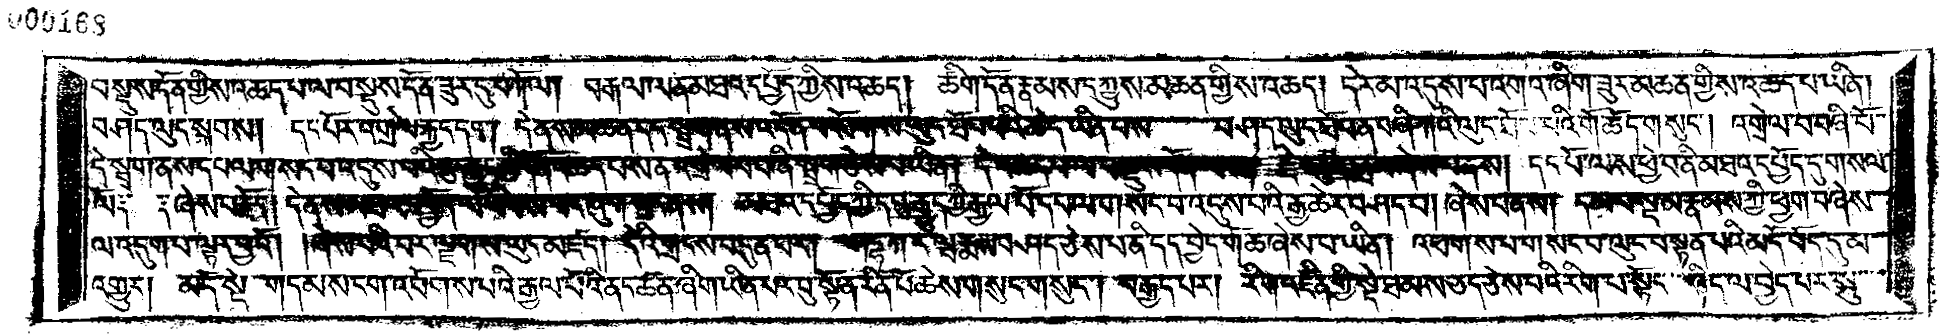བསྡུས་དོན་གྱིས་འཆད་པ་ལ་བསྡུས་དོན་ཟུར་དུ་བཀོལ། བརྒལ་ལན་མཐའ་དཔྱོད་ཀྱིས་འཆད། ཚིག་དོན་རྣམས་དཀྱུས་མཆན་གྱིས་འཆད། དེར་མ་འདུས་པ་འགའ་ཞིག་ཟུར་མཆན་གྱིས་འཆད་པ་ཡིན།
བཤད་ལུང་སྐབས། དང་པོར་འགྲེལ་རྐྱང་དང་། དེ་ནས་མཆན་དང་སྦྲག་ནས་འདོན་པ་སོགས་ལུང་ཐོབ་པའི་ཆེད་ཡིན་པས་བཤད་ལུང་ཐོབ་ན་བཞི་ཀའི་ལུང་ཐོབ་པའི་གོ་ཆོད་གསུང་། འགྲེལ་བ་བཞི་པོ་
དེ་སྦྲག་ནས་དཔལ་གསང་བ་འདུས་པའི་རྩ་རྒྱུད་ཀྱི་དོན་འཆད་པས་ན་འགྲེལ་བ་བཞི་སྦྲག་ཅེས་པ་ཡིན། དེ་འཆད་པ་ལ་བསྡུས་དོན་ལས། རྗེ་བཙུན་བླ་མ་ཞེས་པ་ནས། དང་པོ་ལས་ཕྱེ་བ་ནི་མཐའ་དཔྱོད་དུ་གསལ་
ལོ༑ ༑ཞེས་བརྗོད། དེ་ནས་མཐའ་དཔྱོད་ལ་ཕེབས་པར་ཞུ་གསུང་ནས། མཐའ་དཔྱོད་ཀྱི་དབུ་རྒྱུད་ཀྱི་རྒྱལ་པོ་དཔལ་གསང་བ་འདུས་པའི་རྒྱ་ཆེར་བཤད་པ། ཞེས་པ་ནས། དམ་པ་སྔ་མ་རྣམས་ཀྱི་ཕྱག་བཞེས་
ལ་འདུག་པ་ལྟར་བྱའོ། །ཞེས་པའི་བར་ལྗགས་ལུང་མཛད། དེའི་གྲངས་བདུན་བར། ཤདྷ་ཀ་ར་ཝརྨས་བཤད་ཅེས་པ་ནི་དད་བྱེད་གོ་ཆ་ཞེས་པ་ཡིན། འཕགས་པ་གསང་བ་ལུང་བསྟན་པའི་མདོ་བོད་དུ་མ་
འགྱུར། མདོ་སྡེ་གདམས་ངག་འབོགས་པའི་རྒྱལ་པོའི་ནང་ཚན་ཞིག་ཡིན་པར་བུ་སྟོན་རིན་པོ་ཆེས་གསུང་གསུང་། བརྒྱད་པར། རིག་འཛིན་གྱི་སྡེ་ཐམས་ཅད་ཅེས་པའི་རིག་པ་སྟོང་ཉིད་ལ་བྱེད་པར་སྐུ་